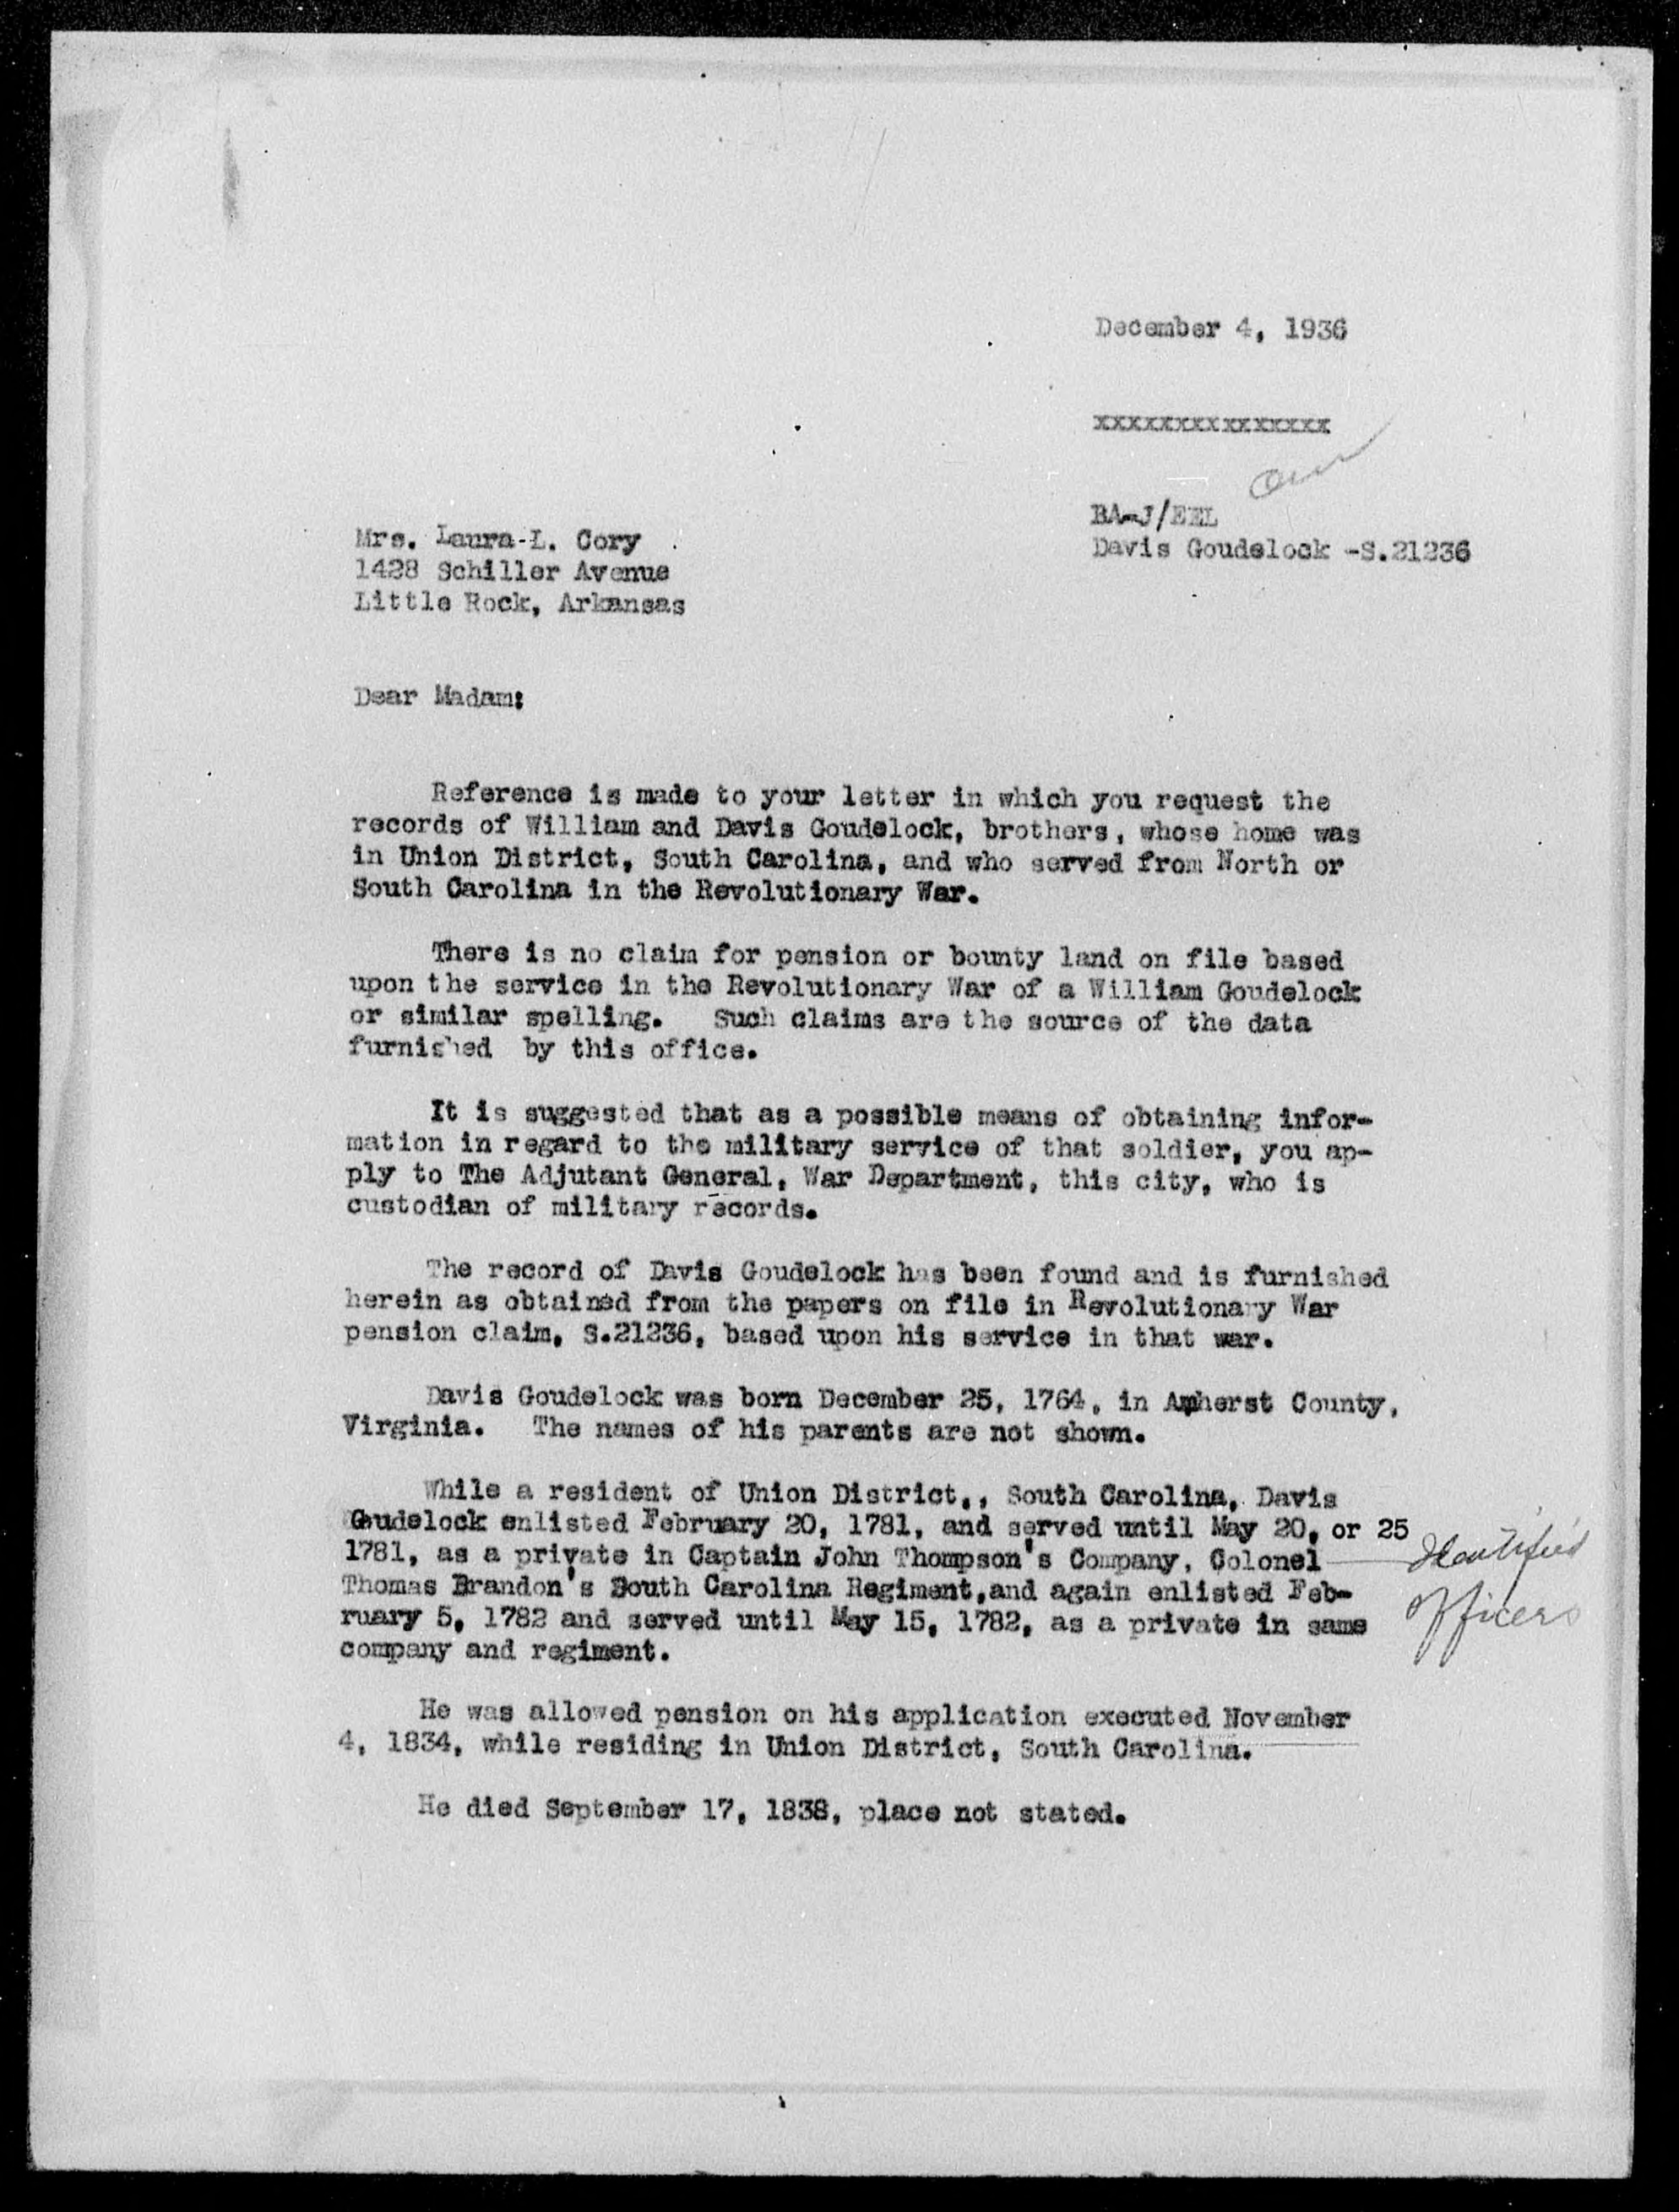December 4, 1936
OWM
BA-J/EEL
Davis Goudelock - S.21236

Mrs. Laura L. Cory
1428 Schiller Avenue
Little Rock, Arkansas

Dear Madam:
Reference is made to your letter in which you request the records of William and Davis Goudelock, brothers, whose home was in Union District, South Carolina, and who served from North or South Carolina in the Revolutionary War.
There is no claim for pension or bounty land on file based upon the service in the Revolutionary War of a William Goudelock or
similar spelling. Such claims are the source of the data furnished by this office.
It is suggested that as a possible means of obtaining information in regard to the military service of that soldier, you apply to The Adjutant General, War Department, this city, who is custodian of military records.
The record of Davis Goudelock has been found and is furnished herein as obtained from the papers on file in Revolutionary War pension claim, S.21236, based upon his service in that war.
Davis Goudelock was born December 25, 1764, in Amherst County, Virginia. The names of his parents are not shown.
While a resident of Union District, South Carolina, Davis Gudelock enlisted February 20, 1781, and served until May 20, or 25 1781, as a private in Captain John Thompson's Company, Colonel Thomas Brandon's South Carolina Regiment, and again enlisted February 5, 1782 and served until May 15, 1782, as a private in same company and regiment.
[handwritten in the right margin of the above paragraph as follows:]
Identified officers
[Typewritten text resumes as follows:]
He was allowed pension on his application executed November 4, 1834, while residing in Union District, South Carolina.
He died September 17, 1838, place not stated.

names: Laura L Cory, William Goudelock, Davis Goudelock, Davis Goudelock, Davis Goudelock, Davis Goudelock, William Goudelock, Davis Goudelock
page: 9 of 18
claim: survivor's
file: S. 21,236, Davis Goudelock, S.C.